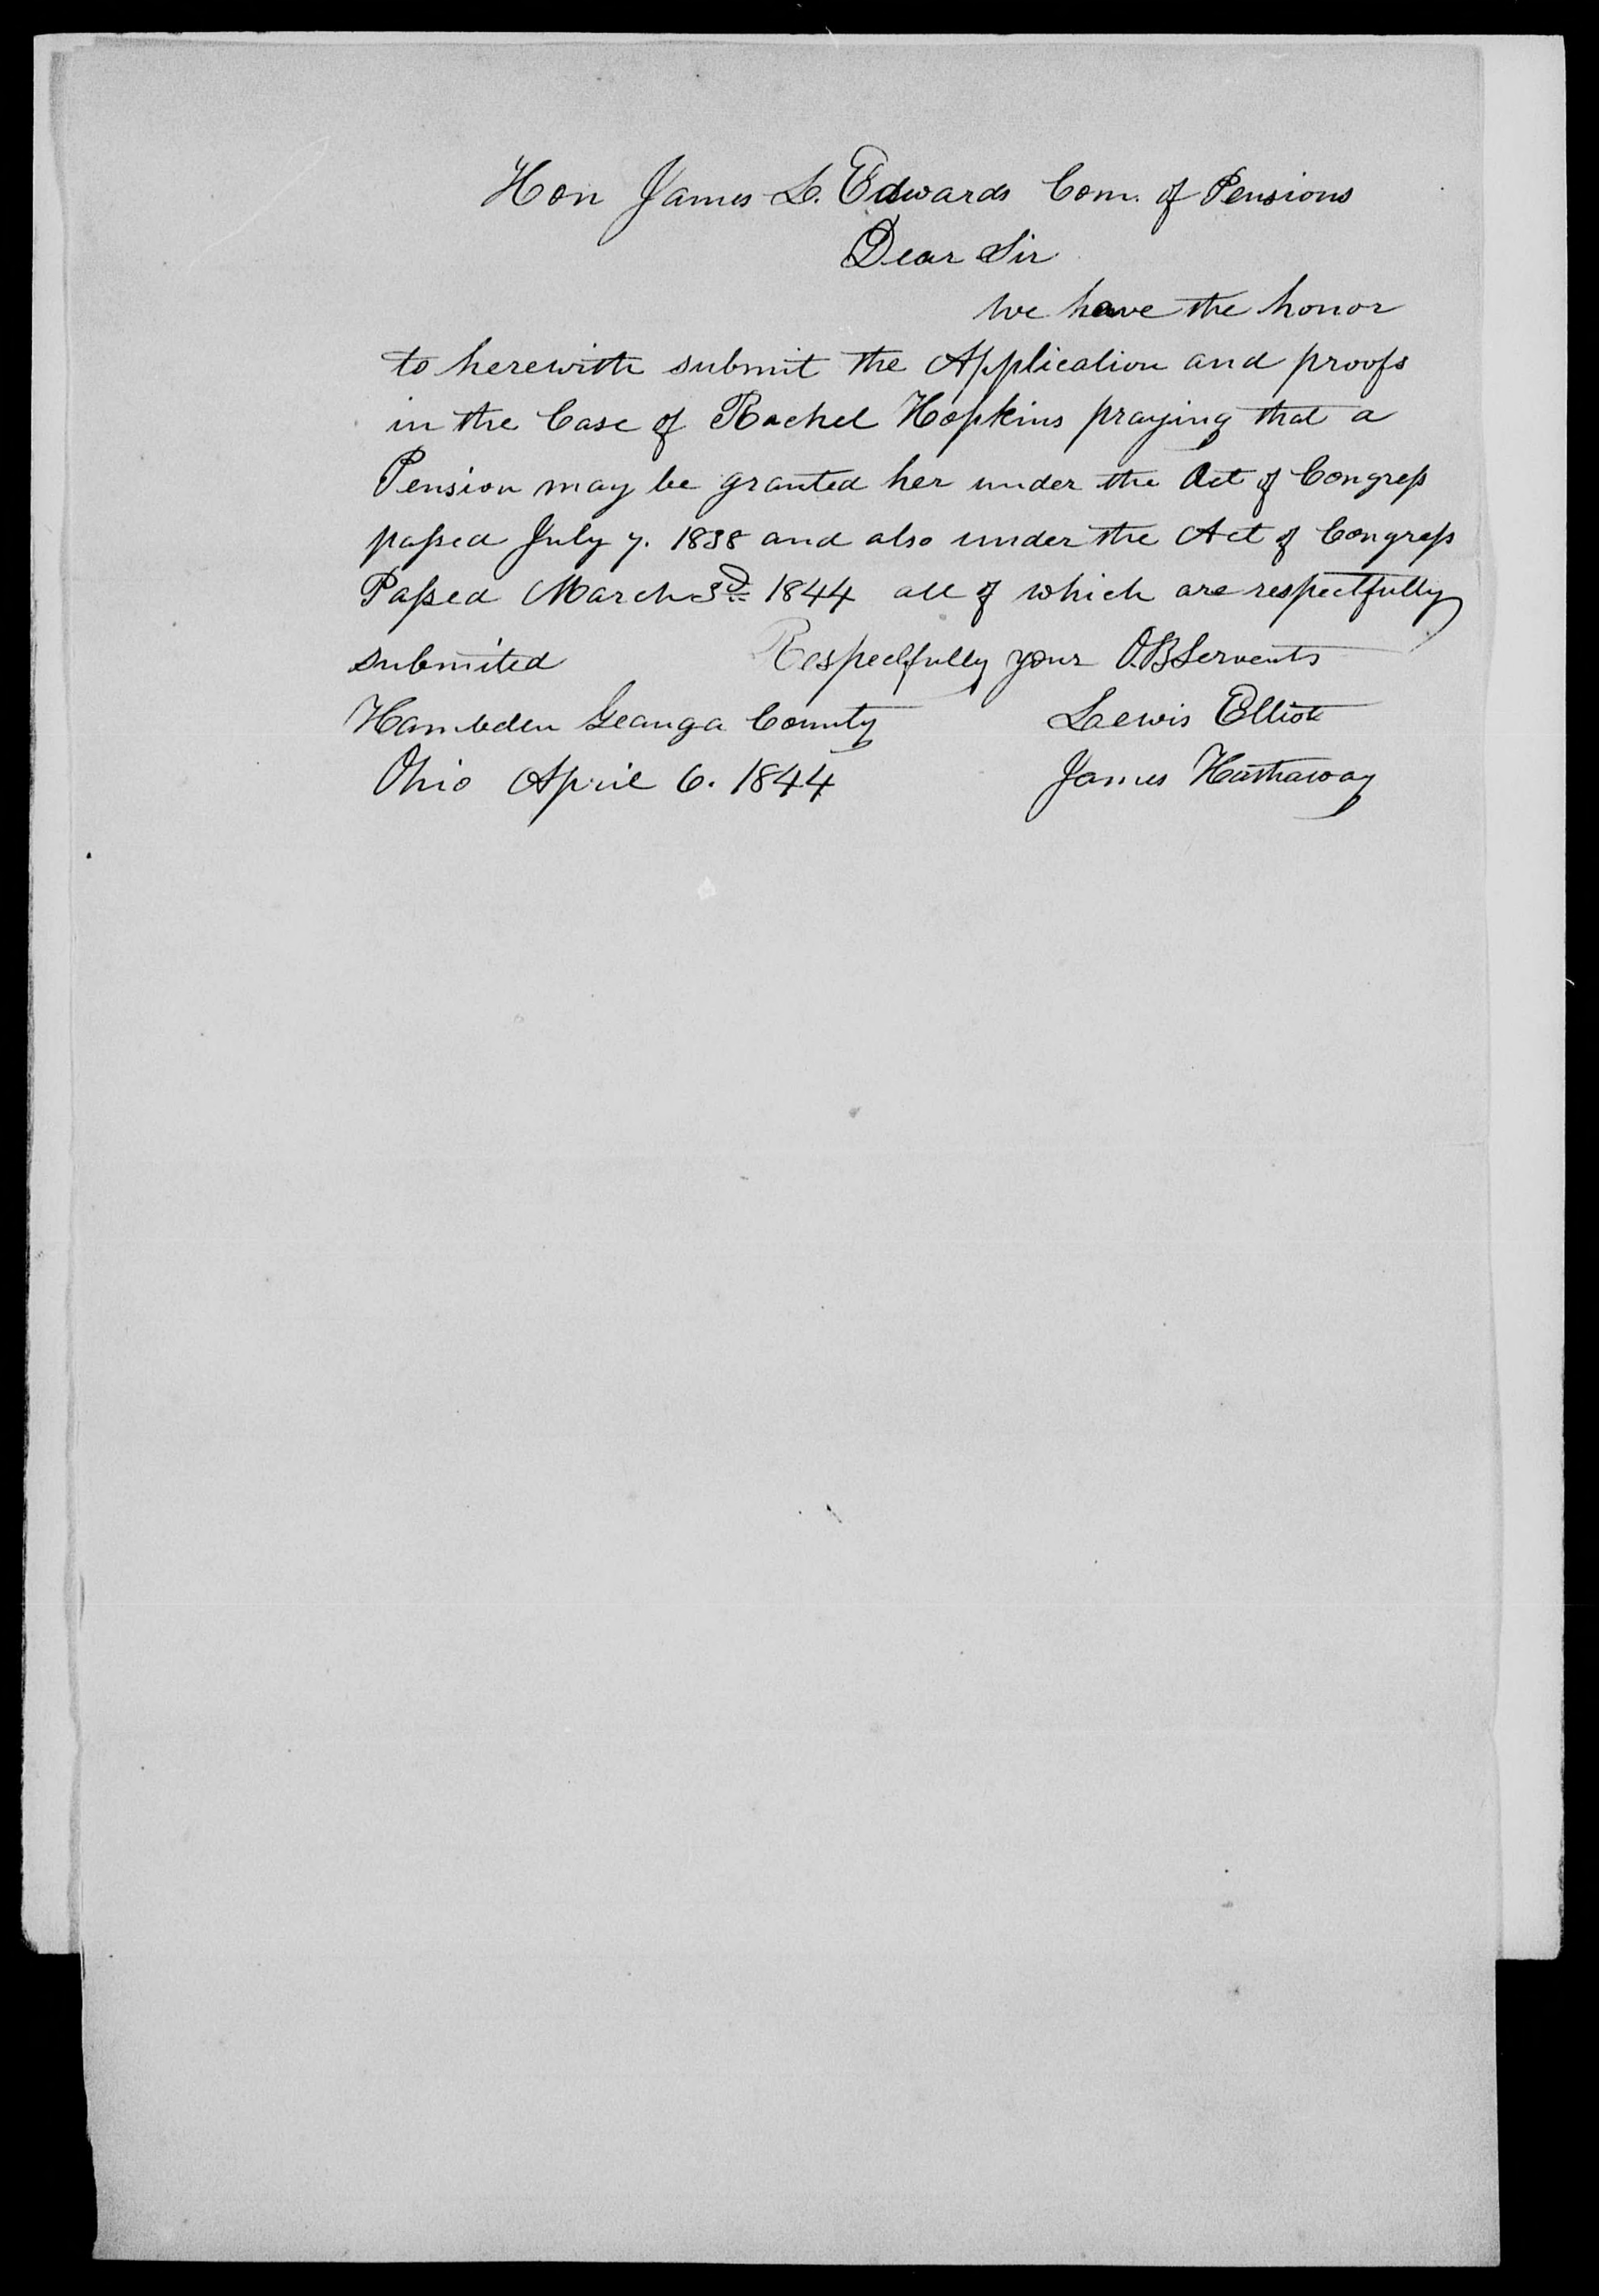Hon James L. Edwards Comm of Pensions
Dear Sir
we have the honor to herewith submit the application and proofs
in the case of Rachel Hopkins praying that a
Pension may be granted her under the act of Congress
passed July 7. 1838 and also under the Act of Congress
Passed March 3d 1844 all of which are respectfully
submited
Respectfully your O.B. servents
Hambdin Geauga County   Lewis Elliott
Ohio April 6. 1844    James Hathaway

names: James Hathaway, Lewis Elliott, James L Edwards, Rachel Hopkins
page: 101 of 144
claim: rejected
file: R. 5208, Dennis Hopkins, N.C.